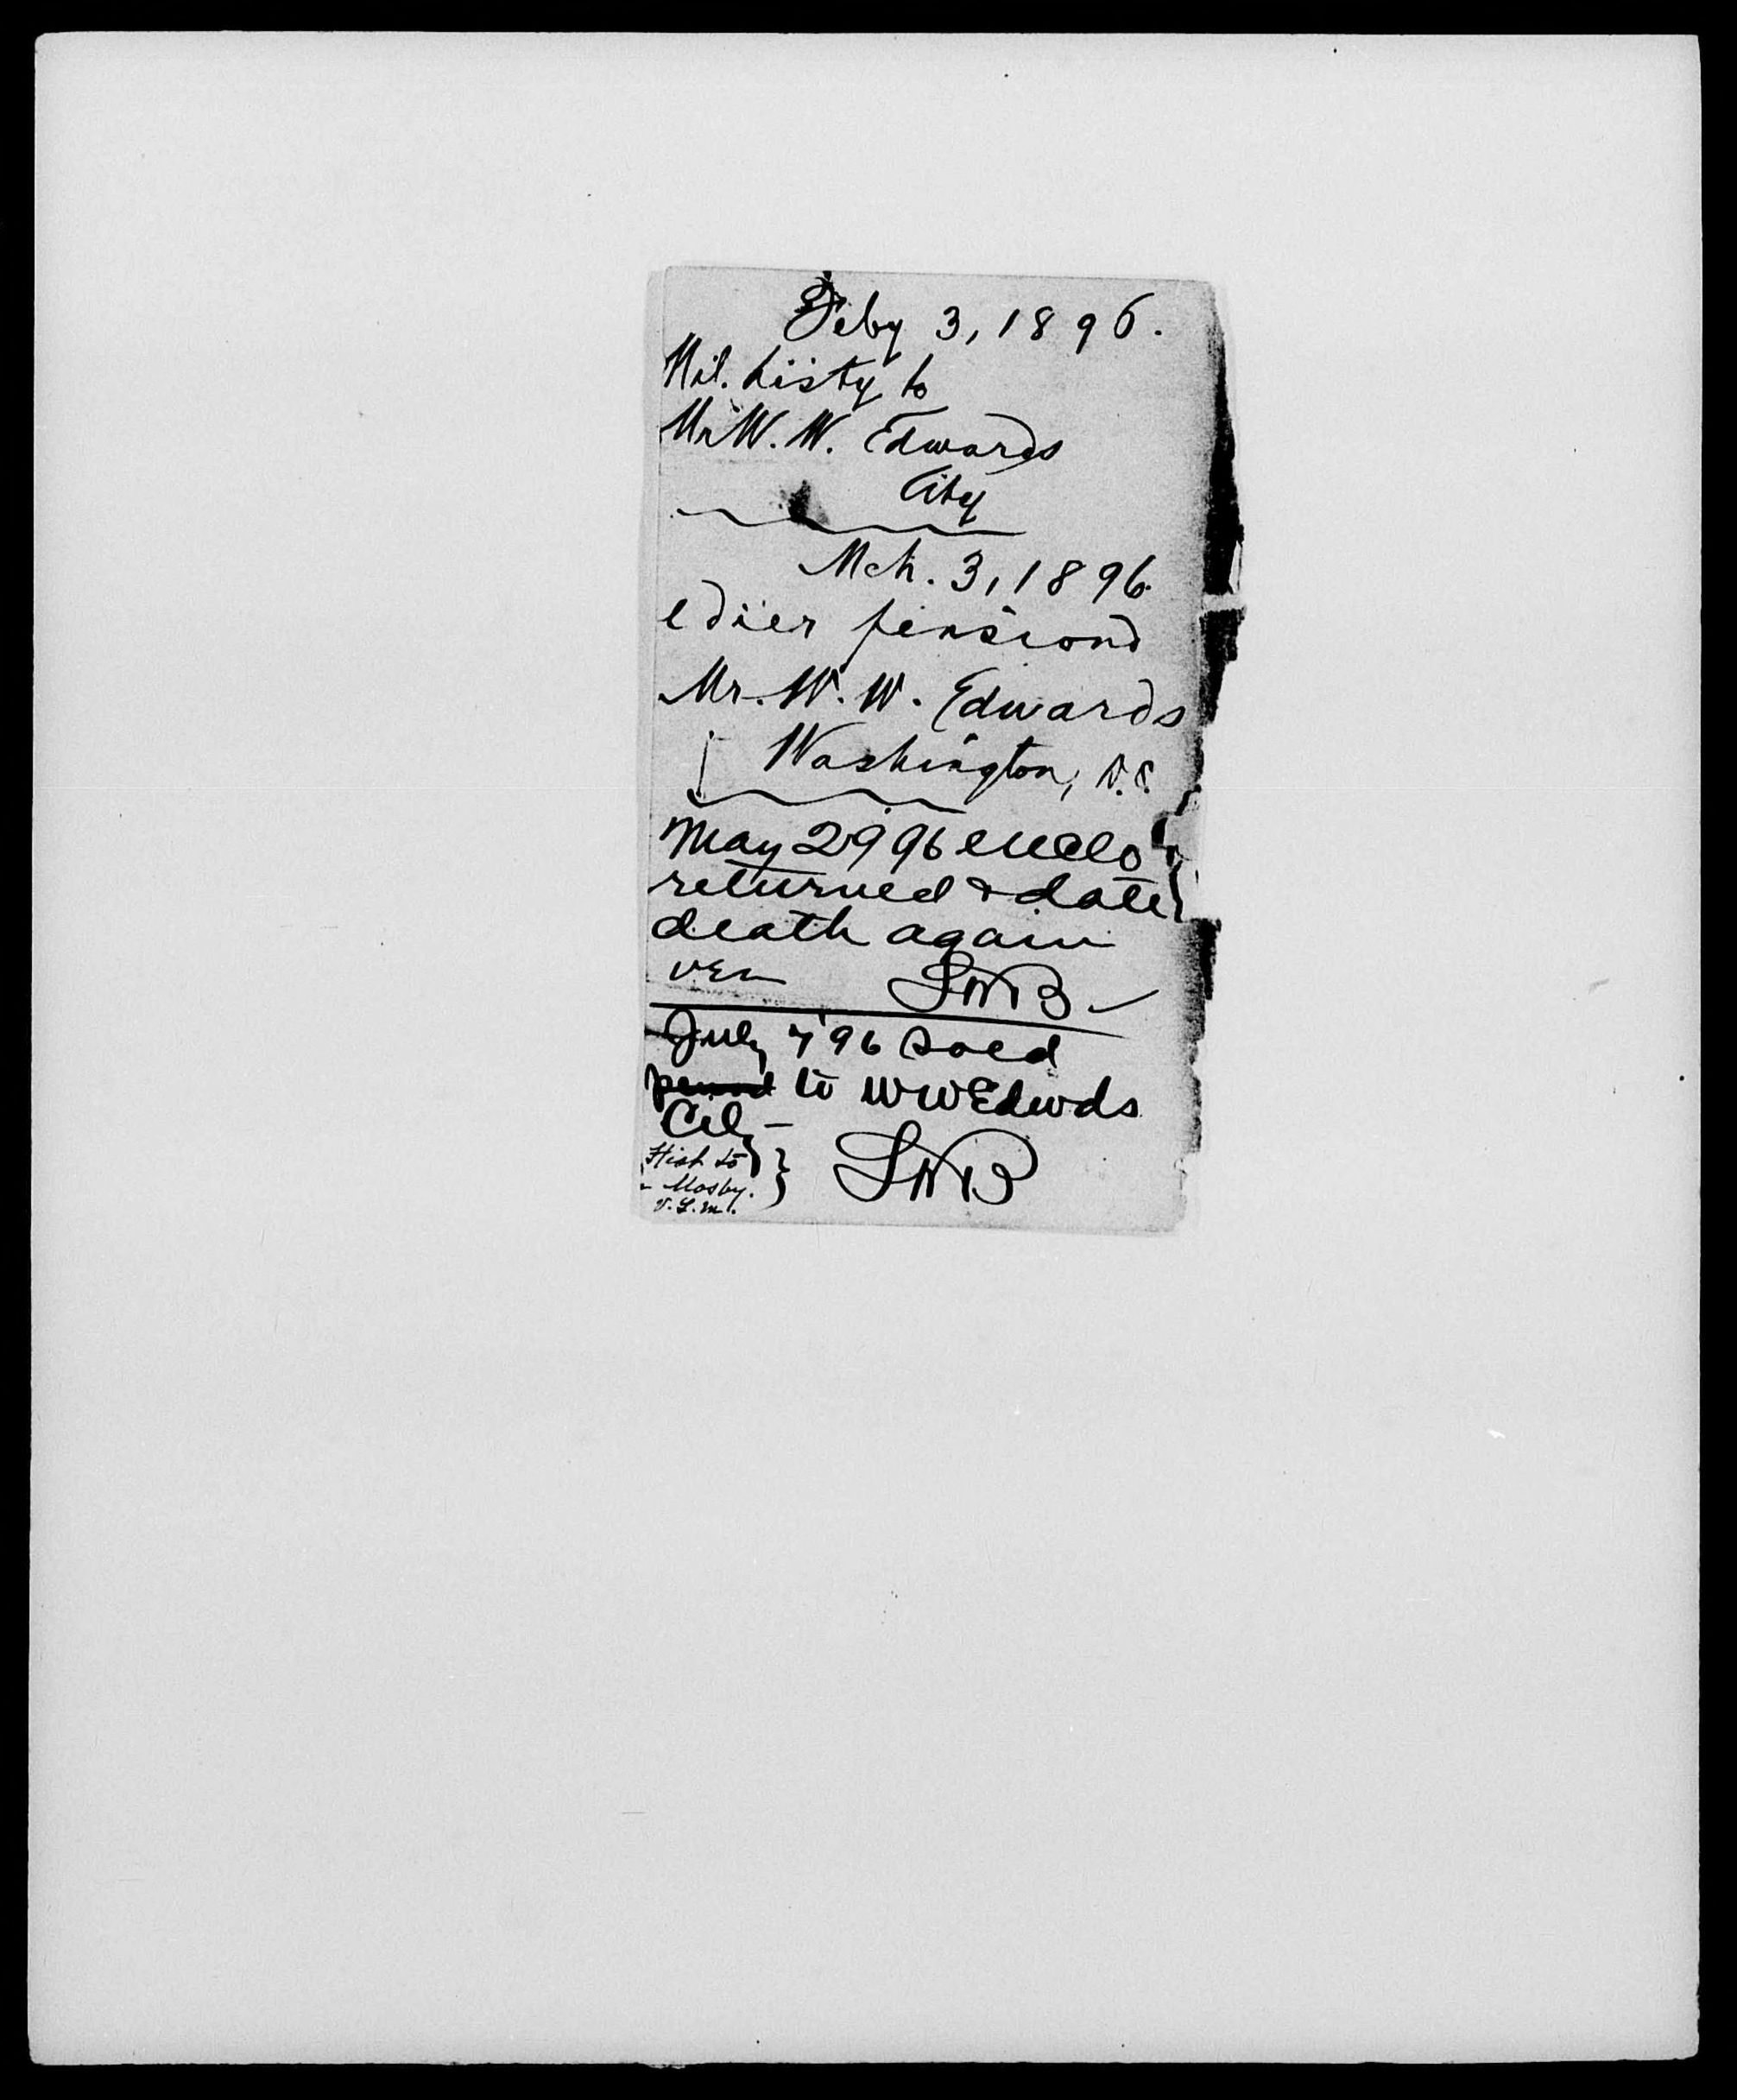Feby 3, 1896.
Mil. history to
Mr W. W. Edwards
City

Mch. 3, 1896
ldier pensiond
Mr. W. W. Edwards
Washington, D.C.

May 29 96 enclo
returned & date
death again
ver LME

July 7 '96 sold
to W W Edwds
City -
LMB
Hist to Mosby. V. L. M.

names: W W Edwards, Mosby, W W Edwards, W W Edwards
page: 13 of 47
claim: survivor's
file: S. 3,322, William Edwards, Va.